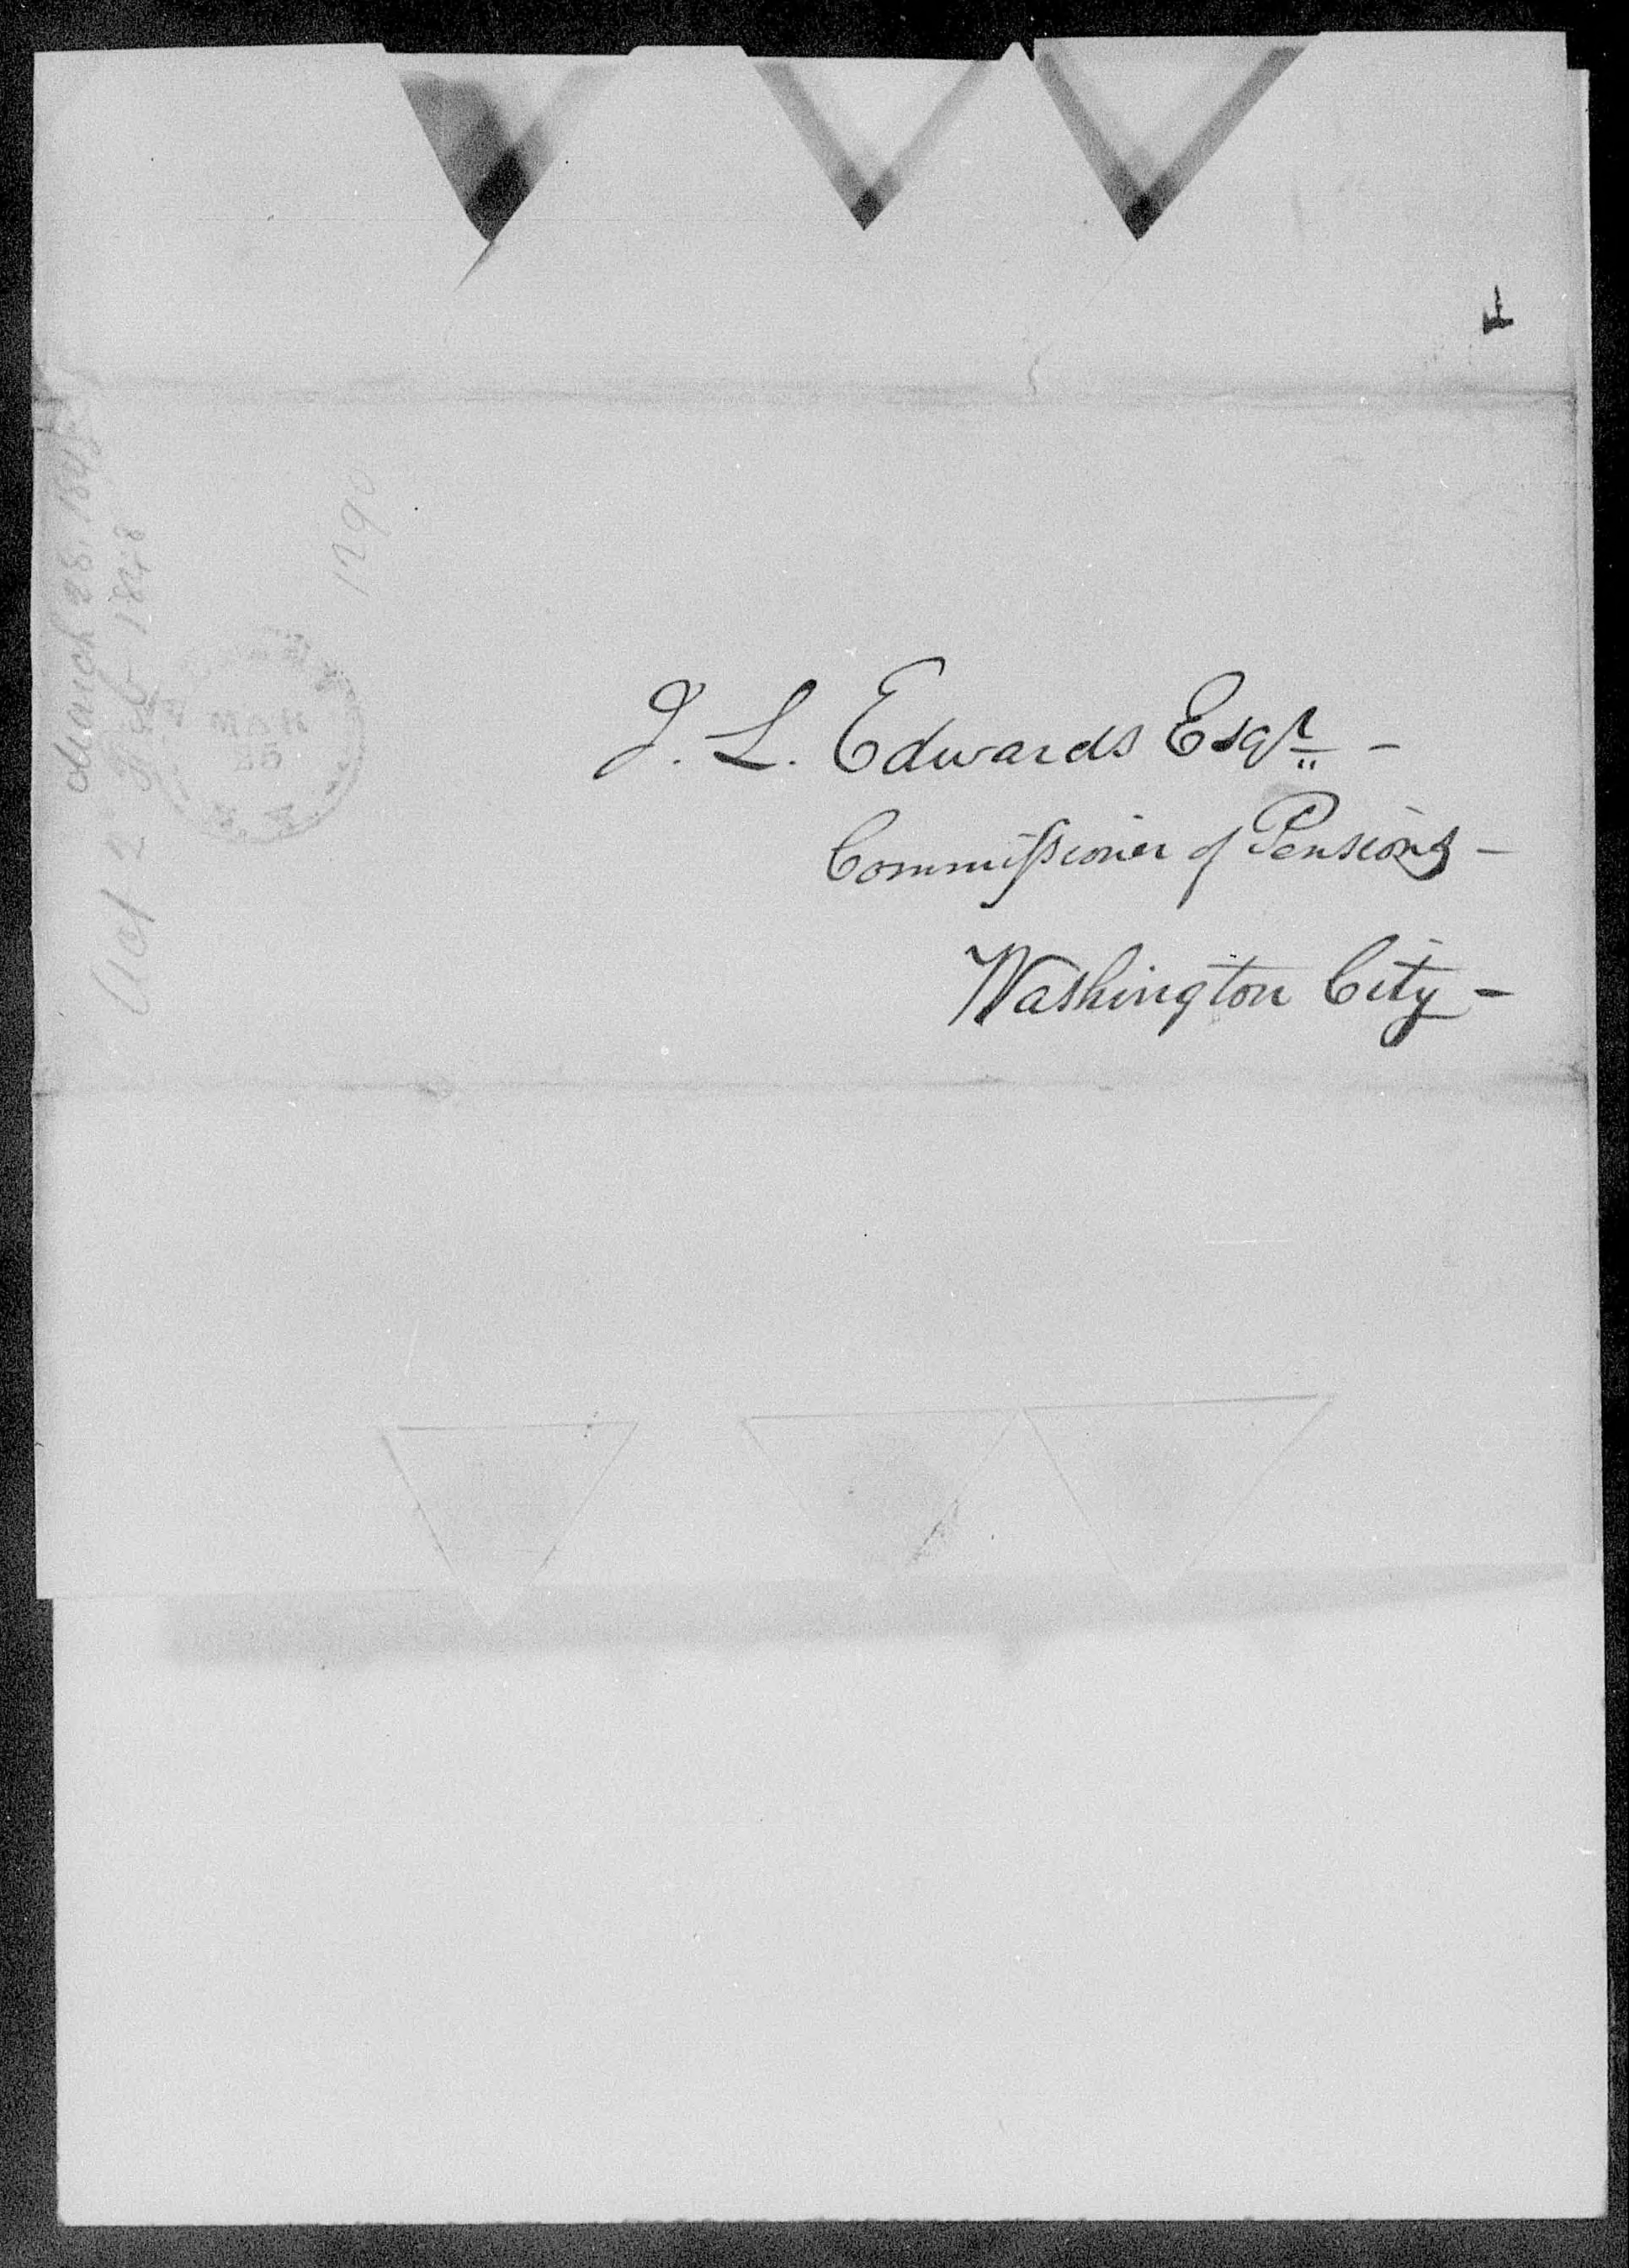J.L. Edwards Esqr. -
Commissioner of Pensions  -
Washington City -

March 28, 1848
Oct 2 Feb 1848
Mar
25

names: J L Edwards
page: 50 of 52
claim: widow's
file: W 19755, Jonathan Hoard, Mass.